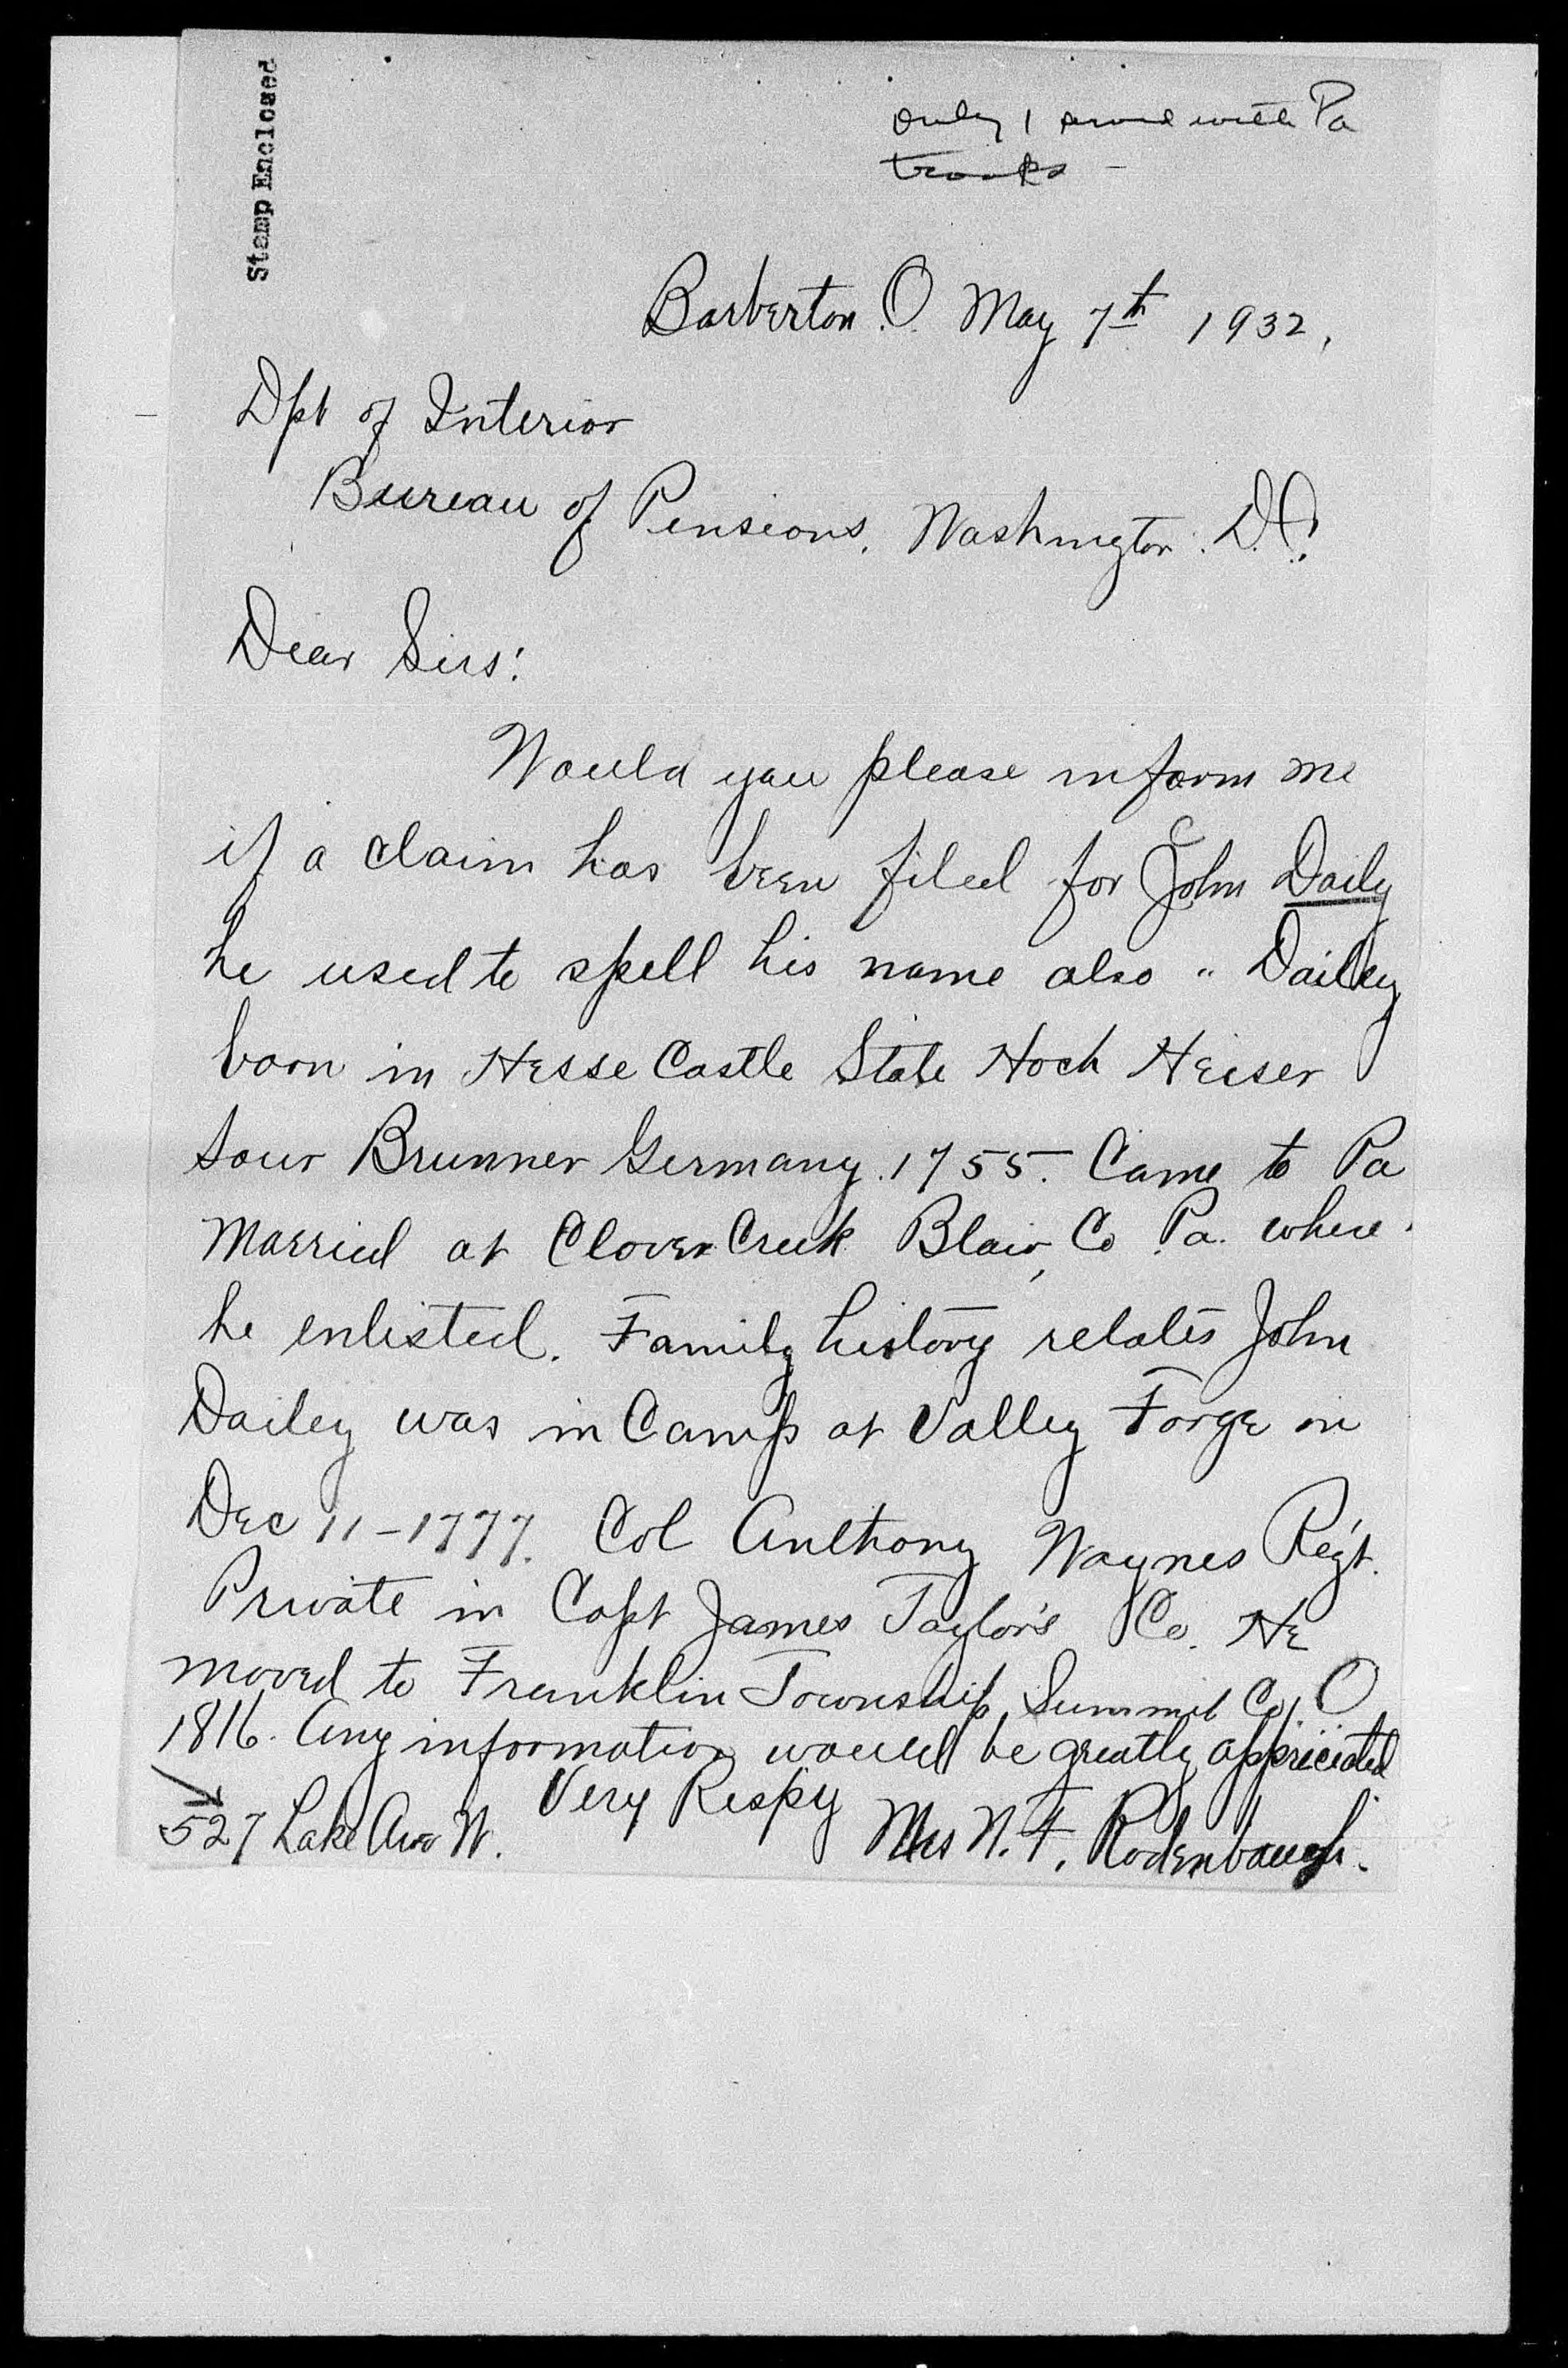Stamp Enclosed

only 1 served with Pa troops -

Barberton O. May 7th 1932,
Dept of Interior
Bureau of Pensions, Washington D.C.

Dear Sirs:
Would you please inform me if a claim has been filed for John Daily he used to spell his name also Dailey born in Hesse Castle State Hoch Heiser Sour Brunner Germany, 1755. Came to Pa Married at Clover Creek Blair Co Pa. where he enlisted. Family history relates John Dailey was in Camp at Valley Forge on Dec 11-1777. Col Anthony Wanyes Reg't. Private in Capt James Taylor's Co. He moved to Franklin Township Summit Co. O 1816. Any information would be greatly appreciated
Very Respy
Mrs N.F. Rodenbaugh
527 Lake Ave W.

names: John Daily, W F Rodenbaugh, Dailey, John Dailey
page: 57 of 63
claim: widow's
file: W. 3228, John Daly, Penn.